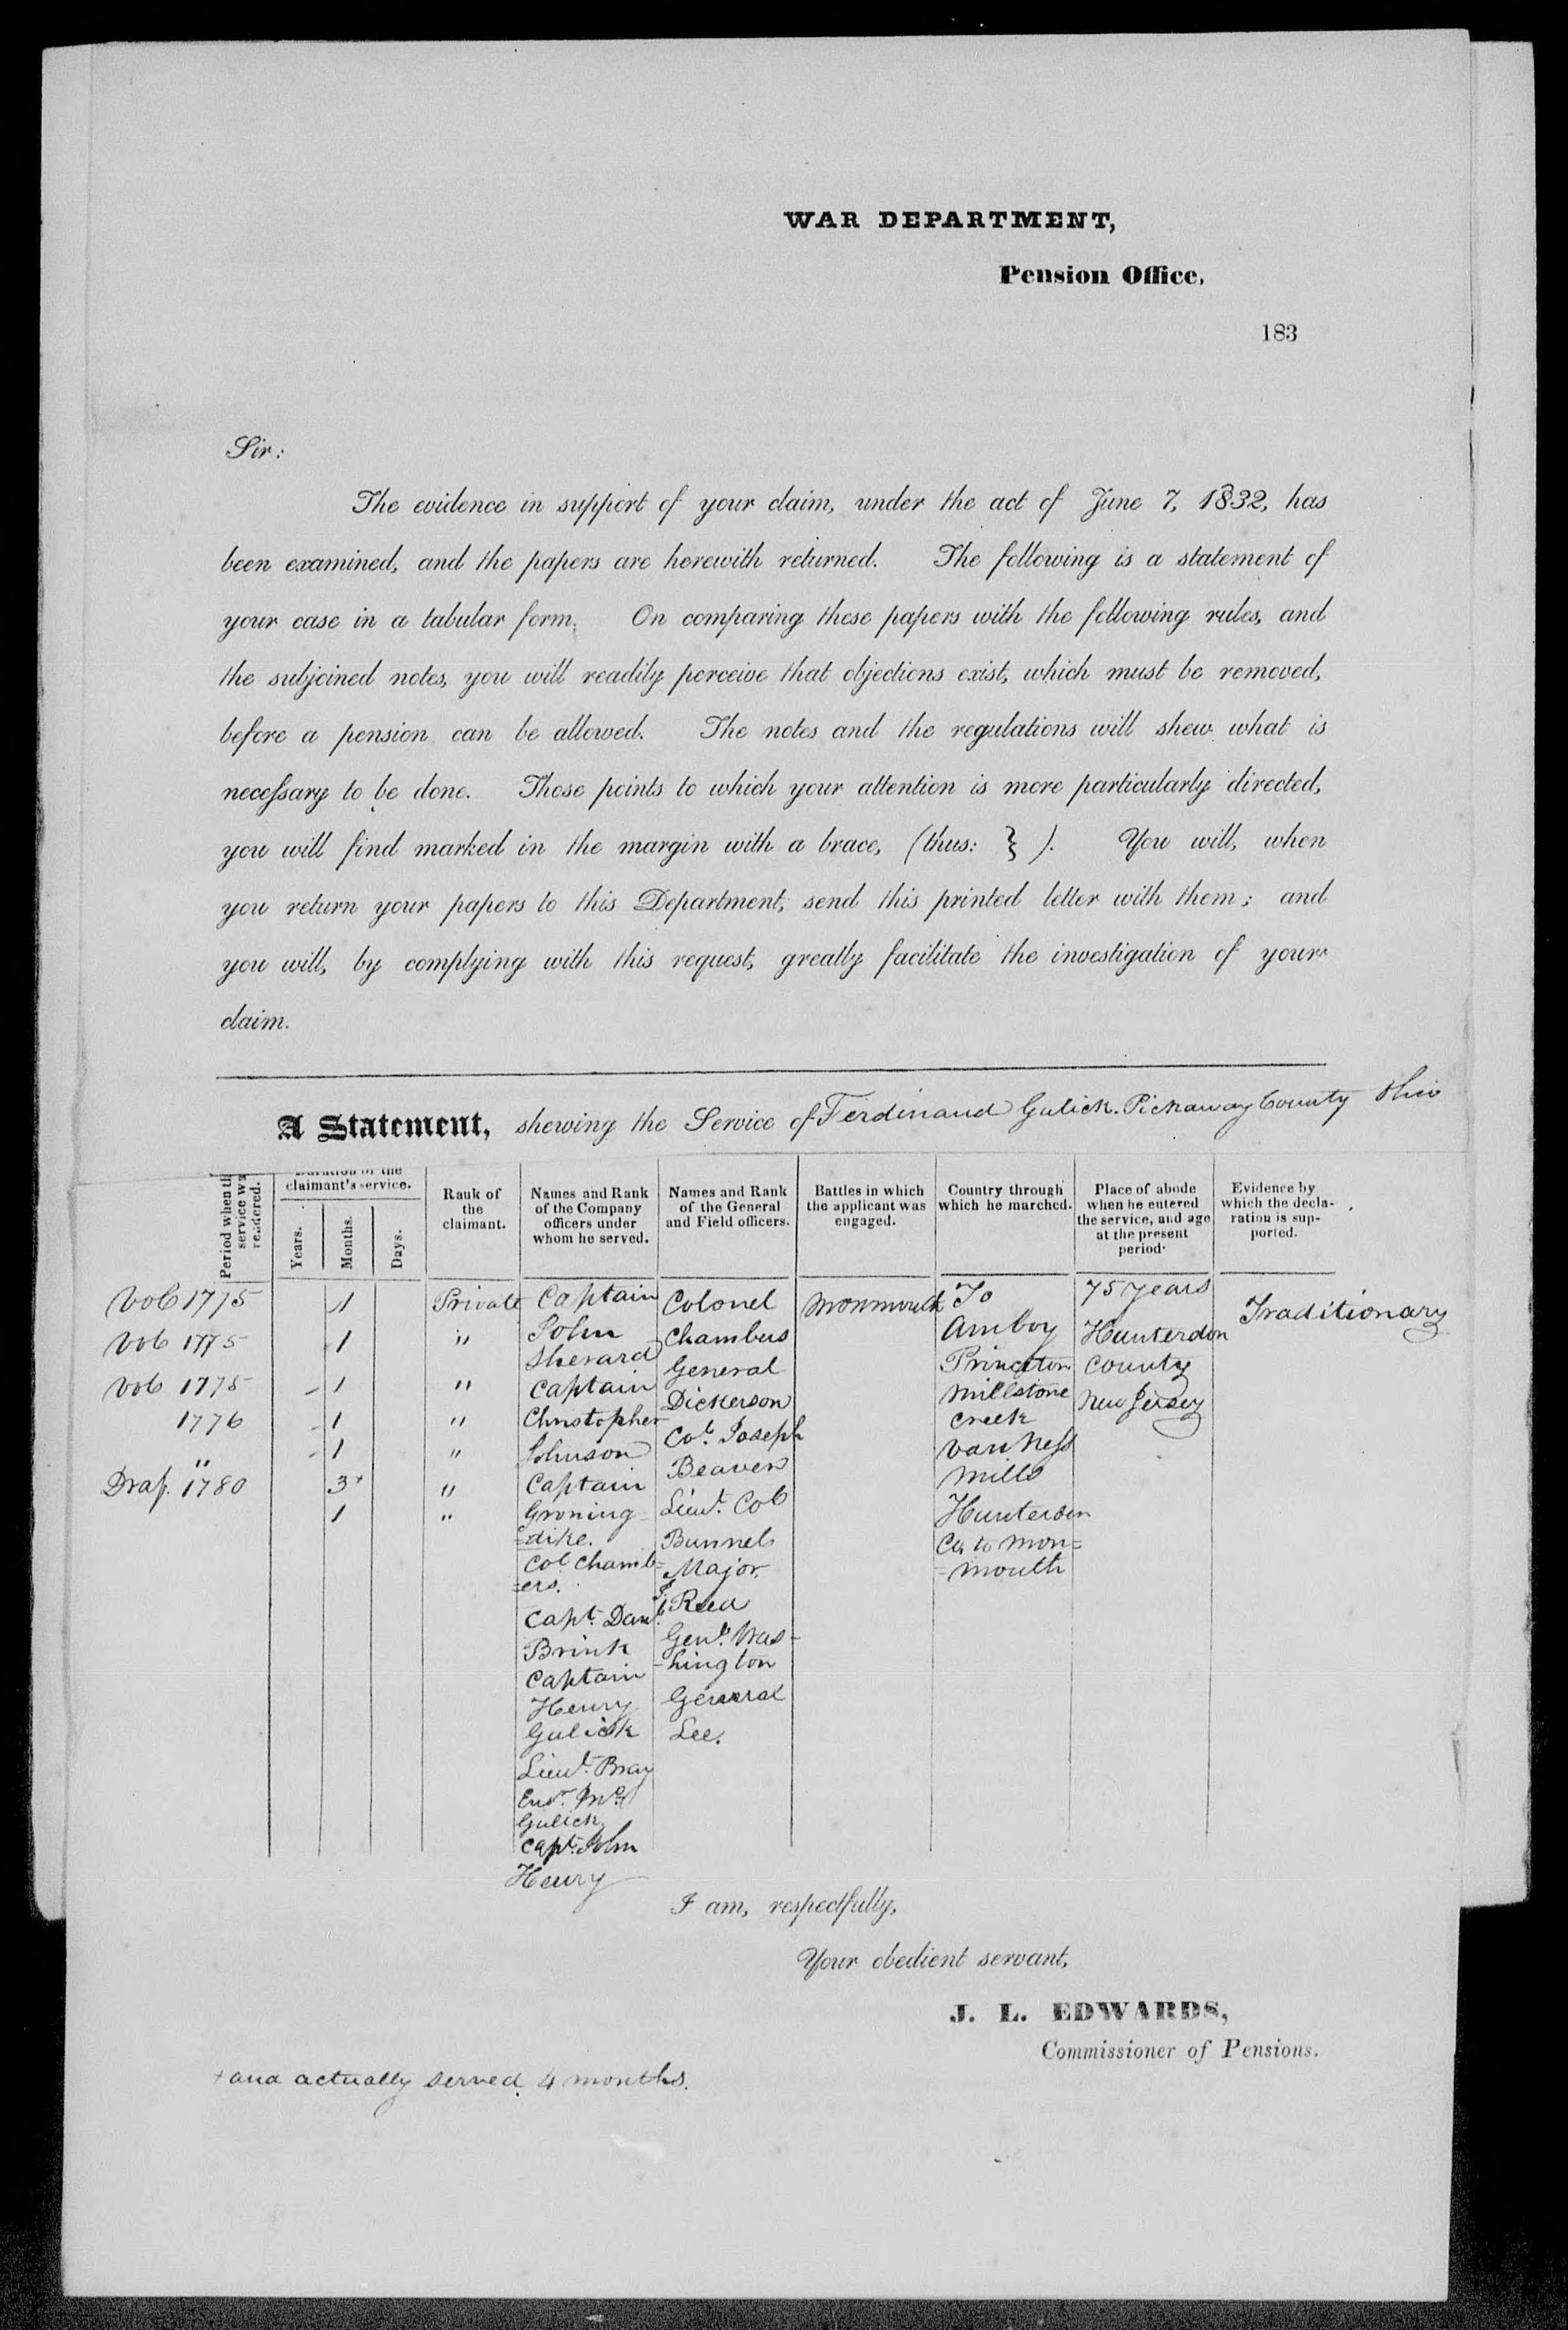NAMES RANKS COMMANDERS BATTLES FORM PAGE 1

(This is a pre-printed form.)

WAR DEPARTMENT,

Pension Office.

183

Sir:

The evidence in support of your claim under the act of June 7, 1832, has been examined, and the papers are herewith returned. The following is a statement of your case in a tabular form. On comparing these papers with the following rules, and the subjoined notes, you will readily perceive that objections exist, which must be removed, before a pension can be allowed. The notes and the regulations will show what is necessary to be done. These points to which your attention is more particularly directed, you will find marked in the margin with a brace, (thus: }). You will, when you return your papers to this Department, send this printed letter with them; and you will, by complying with this request, greatly facilitate the investigation of your claim.

-------------------------------------------------------------------------------------

A STATEMENT, showing the service of Ferdinand Gulick, Pickaway County Ohio

(The following was printed in a tabular column format.)

Period when the service was rendered.
Vol 1775
Vol 1775
Vol 1775
1776
“
Draf 1780

Duration of the claimant’s service.
Years.
Months.
1
1
1
1
1
3*
1
Days.

Rank of the claimant.
Private

“
“
“
“
“
“

Names and Rank of the Company officers under whom he served.
Captain John Sherard
Captain Christopher Johnson
Captain Groningdike
Col Chambers
Captain Danl Brink
Captain Henry Gulick
Lieut Bray
Ens’n Jno Gulick
Capt John Henry

Names and Rank of the General and Field officers.

Colonel Chambers
General Dickerson
Col Joseph Beaver
Lieut Col Bunnel
Major J. Reed
Genl Washington
General Lee

Battles in which the applicant was engaged.
Monmouth

Country through which he marched.
To Amboy
Princeton
Millstone Creek
Van Nefs Mills
Hunterdon Co to Monmouth

Place of abode when he entered the service, and age at the present period.
75 years
Hunterdon County New Jersey

Evidence by which the declaration is supported.

Traditionary

*and actually served 4 months.

I am, respectfully,
Your obedient servant,

J.L. Edwards,
Commissioner of Pensions.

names: J L Edwards, Henry Gulick, John Henry, Dickerson, Bunnel, Ferdinand Gulick, Bray, Groningdike, Joseph Beaver, Christopher Johnson, Jno Gulick, Lee, J Reed, Danl Brink, Chambers, John Sherard, Washington, Chambers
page: 9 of 21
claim: survivor's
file: S. 2586, Ferdinand Gulick, New Jersey Va.